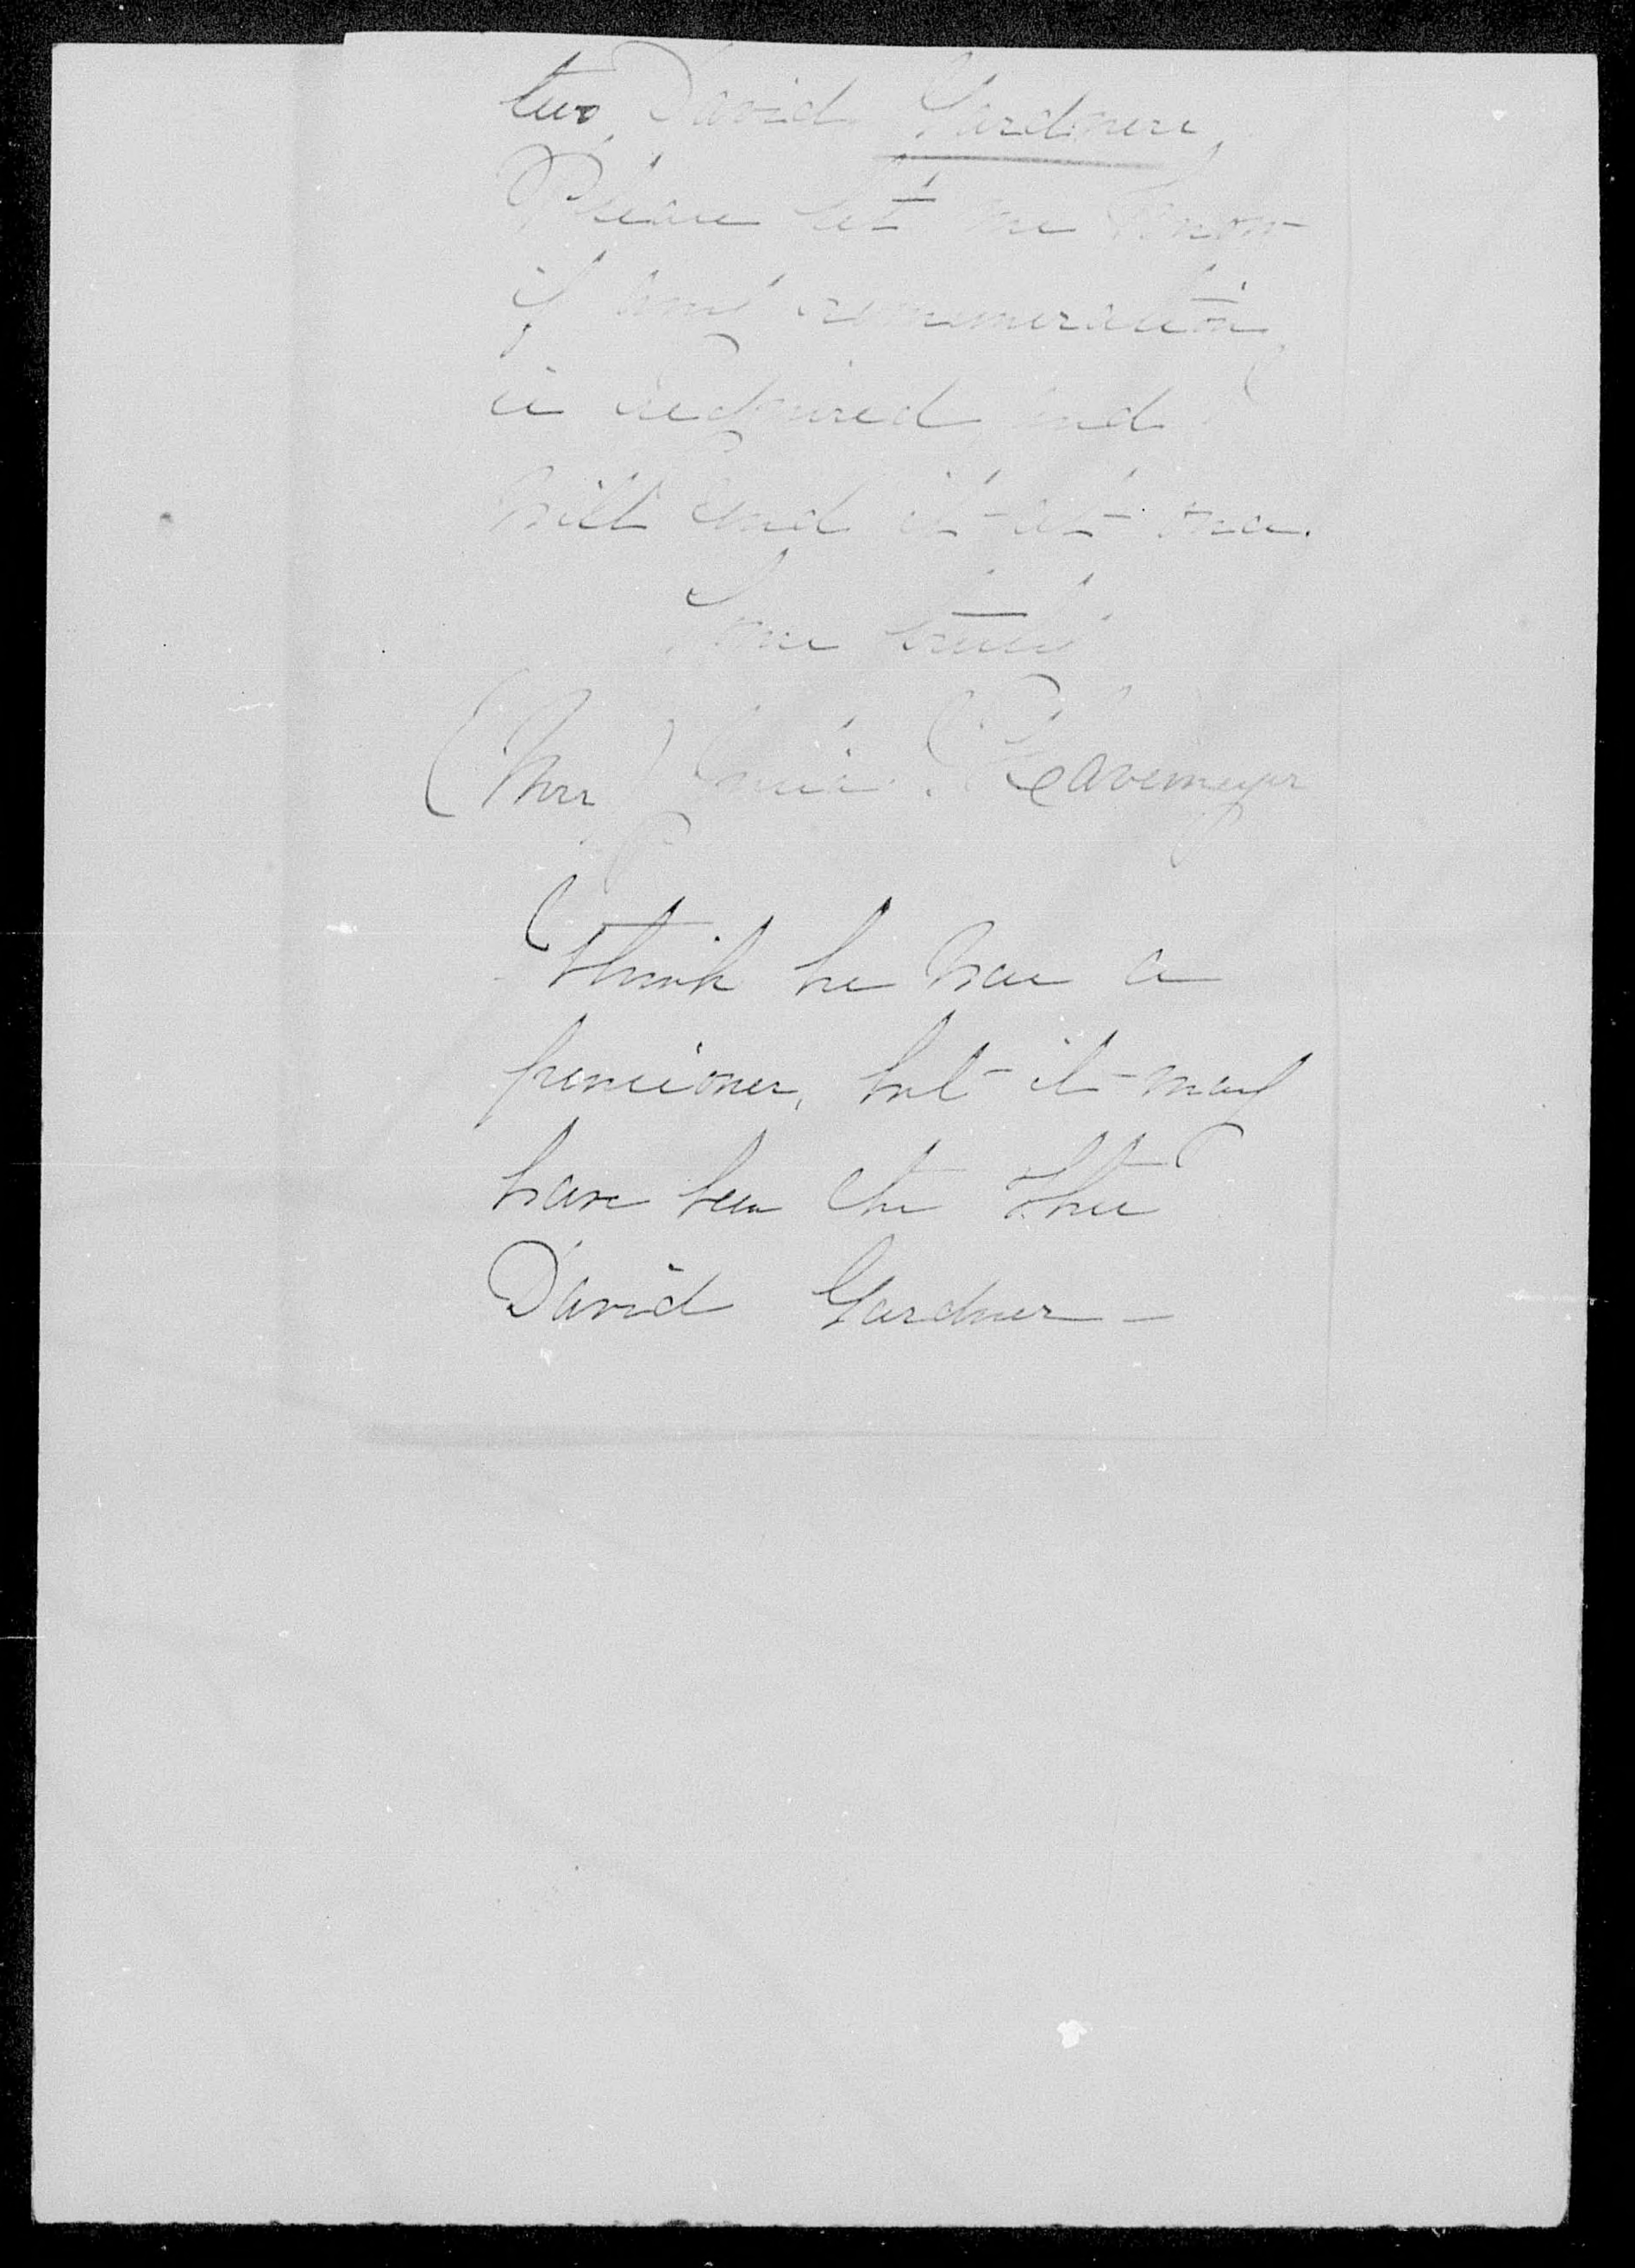two David Gardner
Please let me know
xxx
if any remuneration is required and I will send it at once.
Very truly
Mrs Julia L Havemeyer

I think he was a pensioner but it may have been the other David Gardner.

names: David Gardner, David Gardners, Julia I Havemeyer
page: 41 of 66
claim: widow's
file: W 1850, David Gardner, Conn.